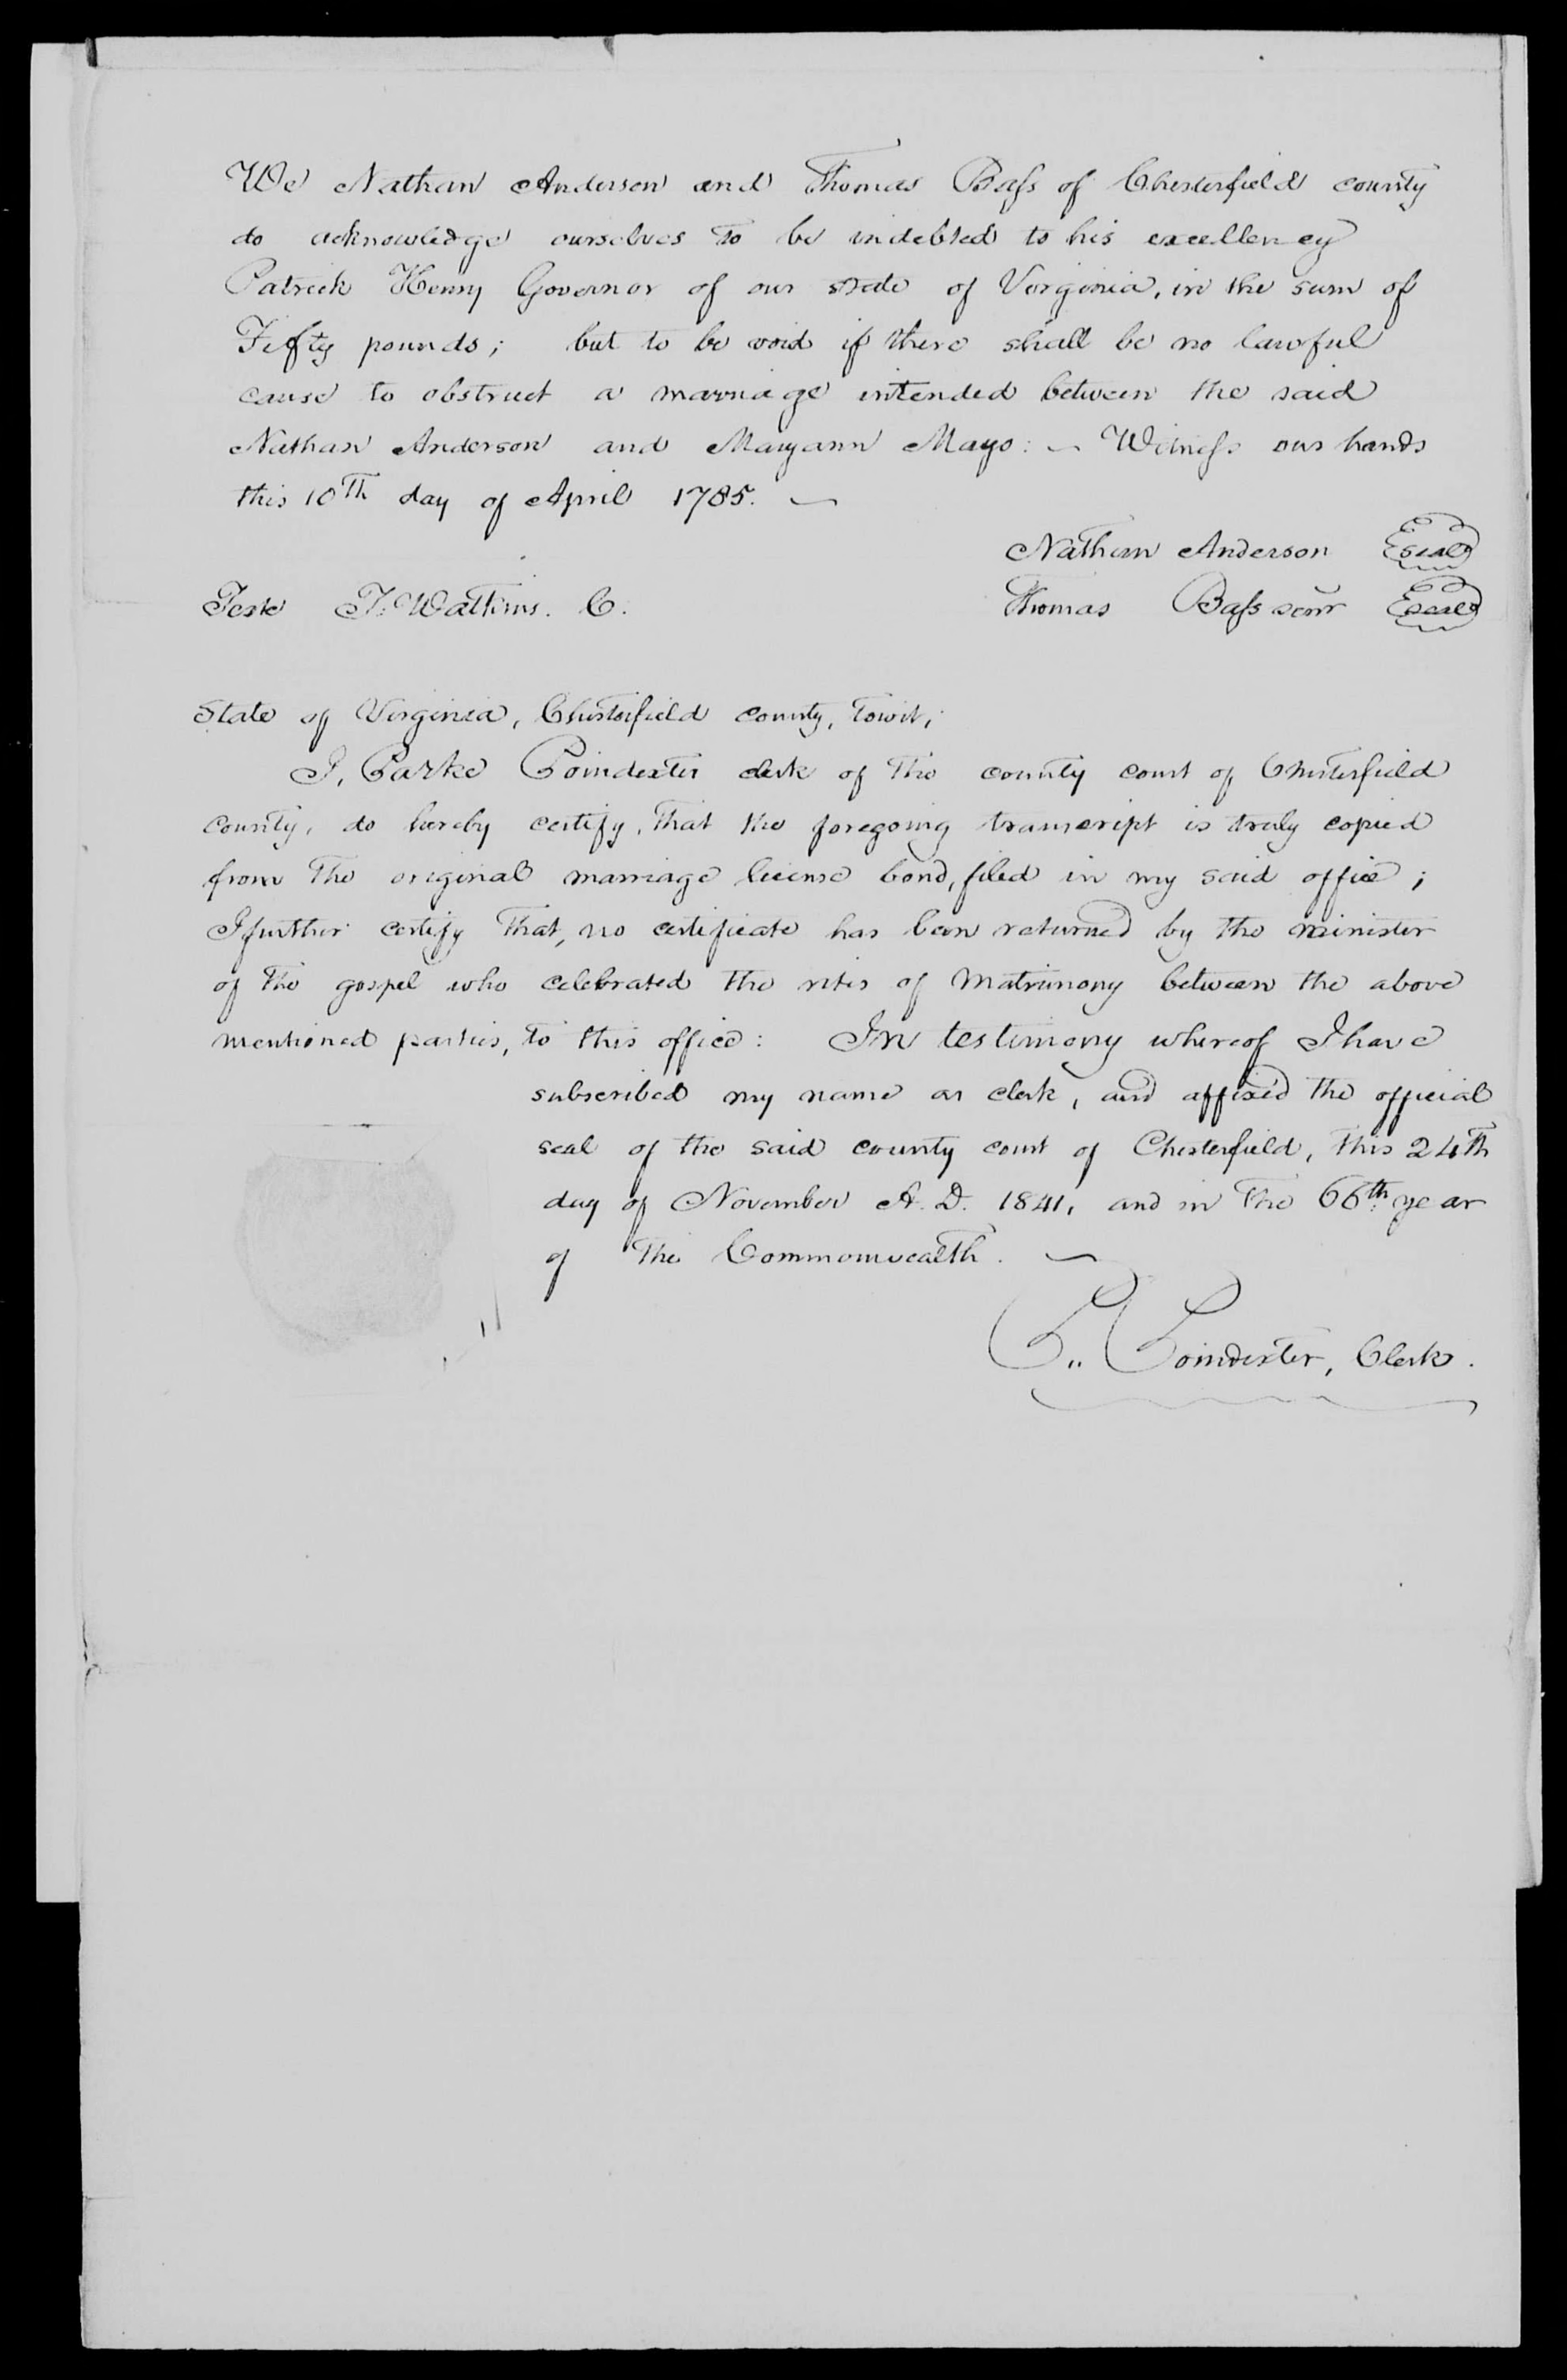We Nathan Anderson and Thomas Bass of Chesterfield county do acknowledge ourselves to be indebted to his excellency Patrick Henry Governor of our state of Virginia, in the sum of Fifty pounds; but to be void if there shall be no lawful cause to obstruct a marriage intended between the said Nathan Anderson and Maryann Mayo: - Witness our hands this 10th day of April 1785.
Nathan Anderson seal
Teste T: Watkins. C. Thomas Bass senr seal

State of Virginia, Chesterfield County, To wit;
I, Parke Poindexter clerk of this county court of Chesterfield County, do hereby certify, That the foregoing transcript is truly copied from the original marriage license bond, filed in my said office; I further certify That, no certificate has been returned by the minister of the gospel who celebrated the rites of Matrimony between the above mentioned parties, To this office: In testimony whereof I have subscribed my name as clerk, and affixed the official seal of the said County court of Chesterfield, this 24th day of November A.D. 1841, and in the 66th year of the Commonwealth.
P. Poindexter, Clerk.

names: Thomas Bass, Maryann Mayo, Parke Poindexter, Nathan Anderson, T Watkins, Nathan Anderson, Thomas Bass, Patrick Henry, P Poindexter, Nathan Anderson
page: 13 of 43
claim: widow's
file: W. 5,626, Nathan Anderson, Va.